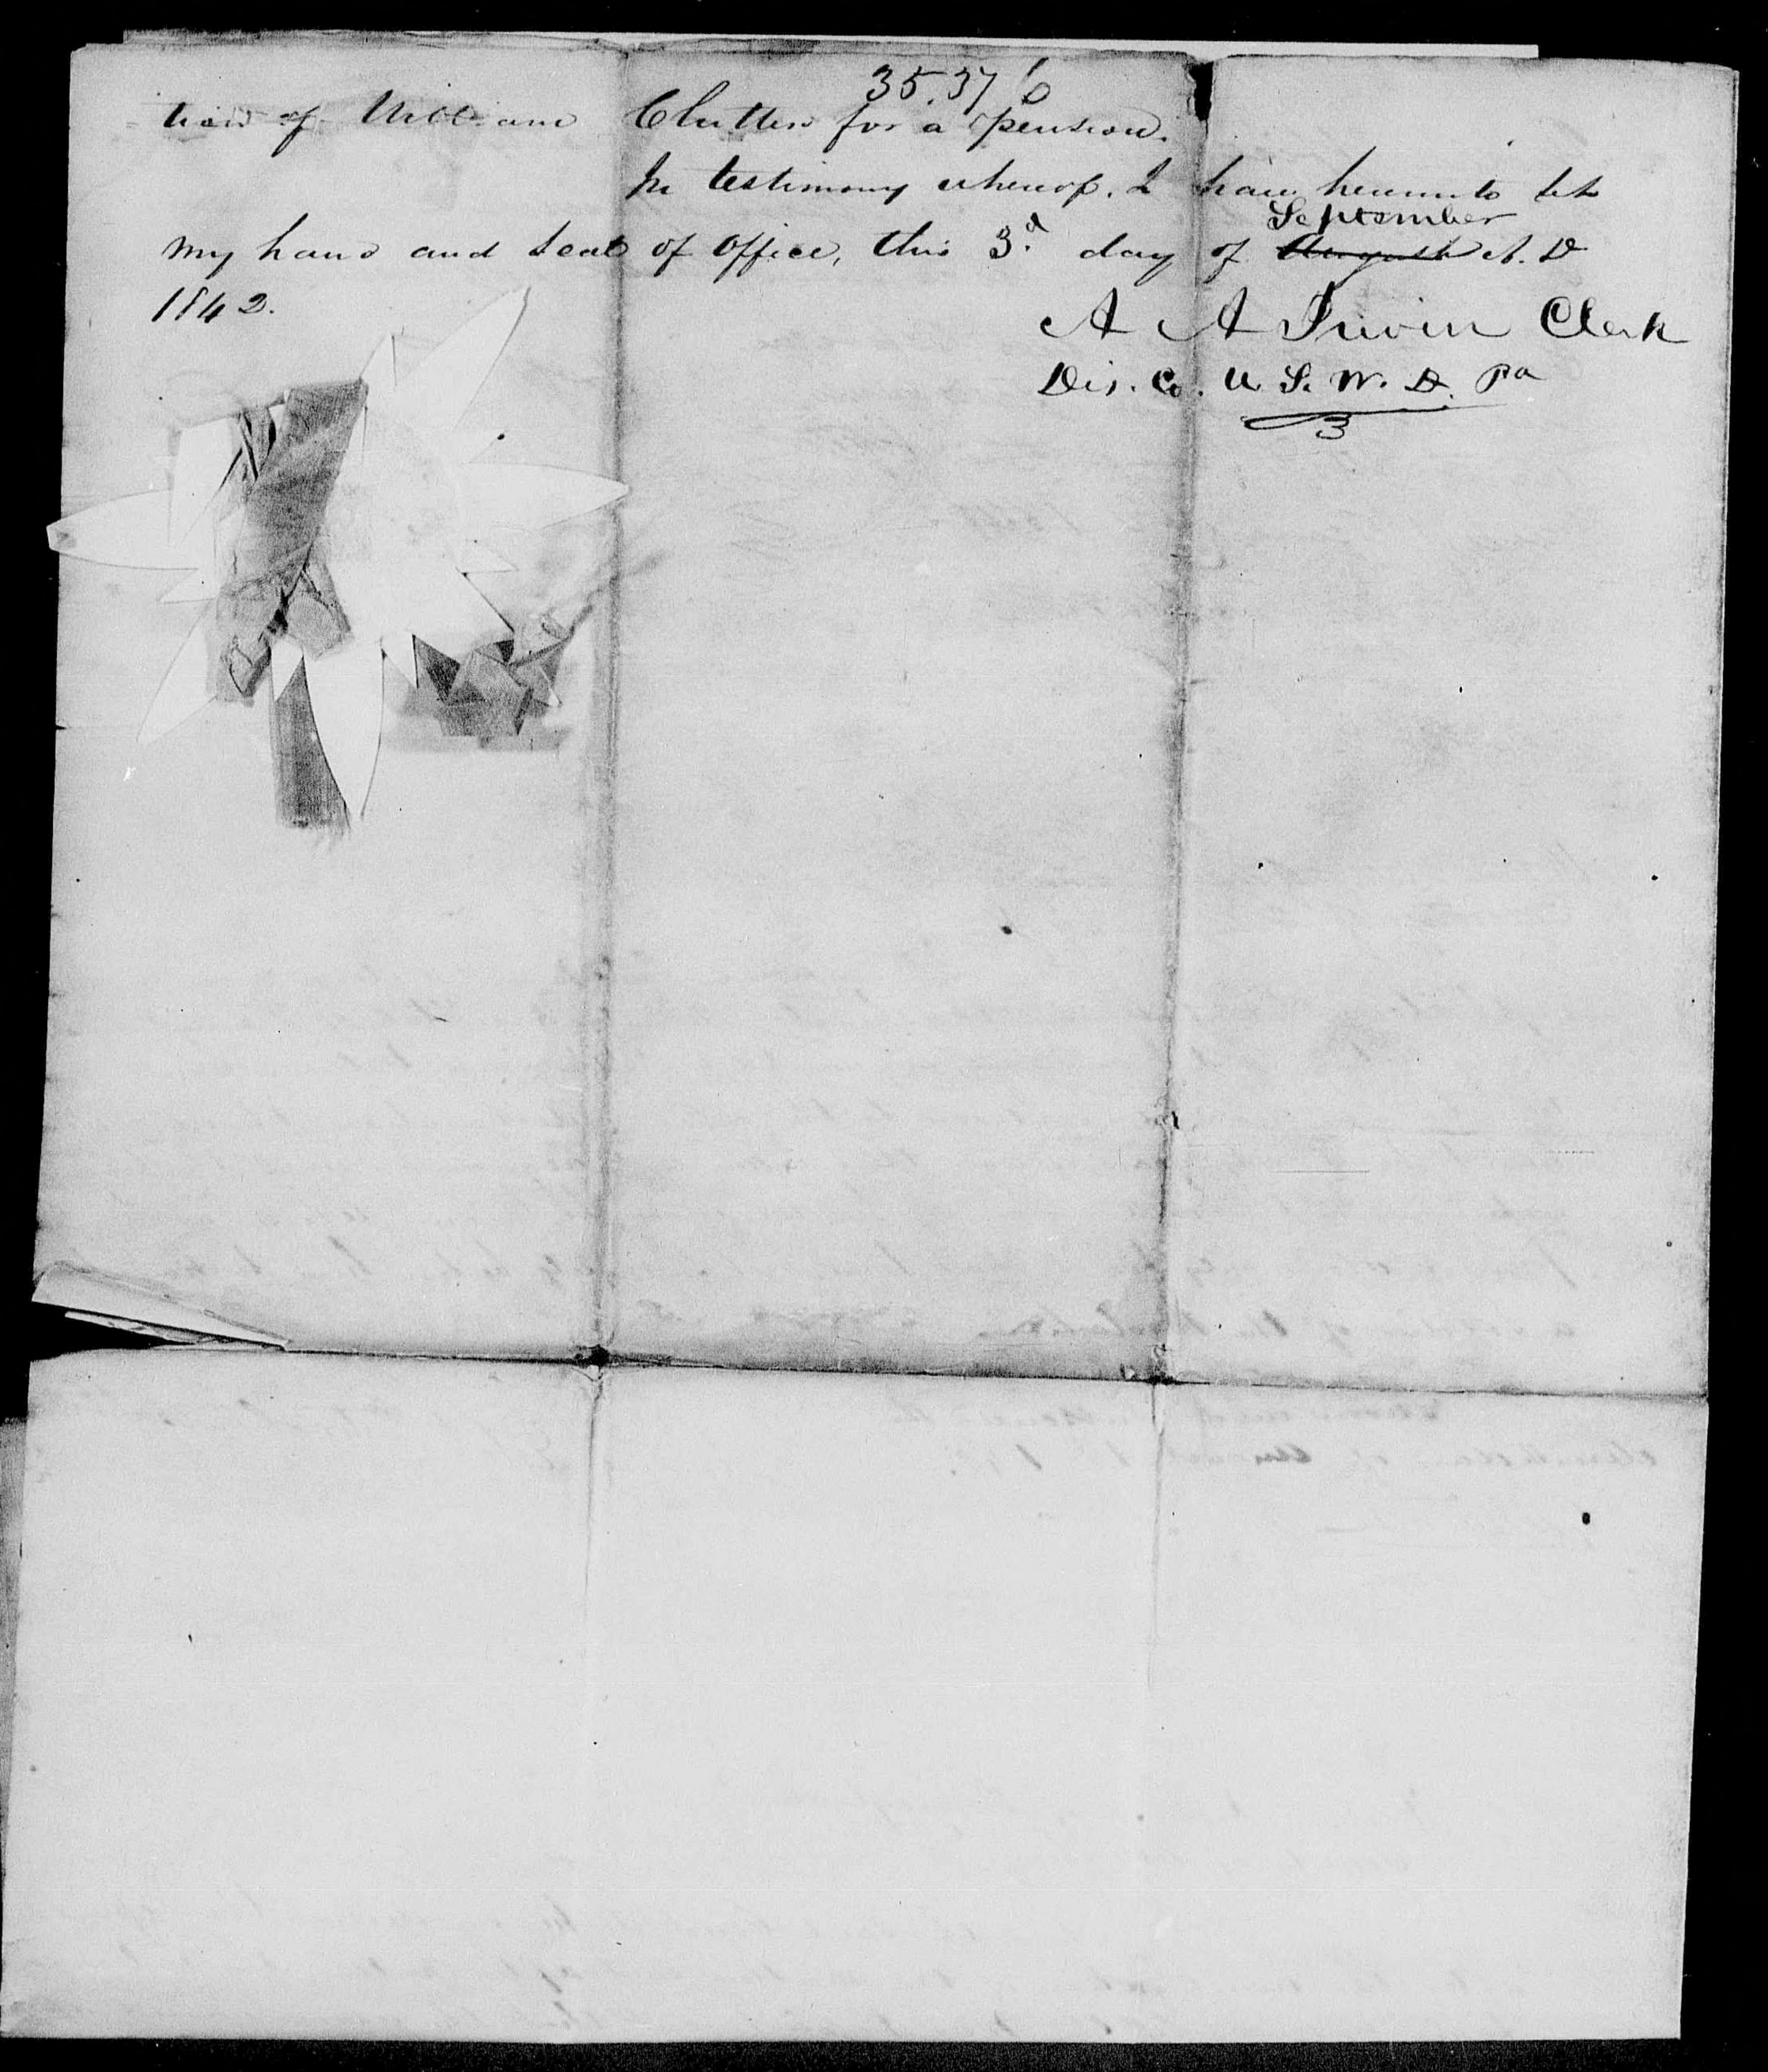35,376
-tion of William Clutter for a pension.
In testimony whereof I have hereunto set my hand and seal of office, this 3rd day of September A.D. 1842.
A A Irwin Clerk
Dis Co U.S. W. D. Pa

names: A A Irwin, William Clutter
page: 27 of 35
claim: rejected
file: R. 2066, William Clutter, New Jersey